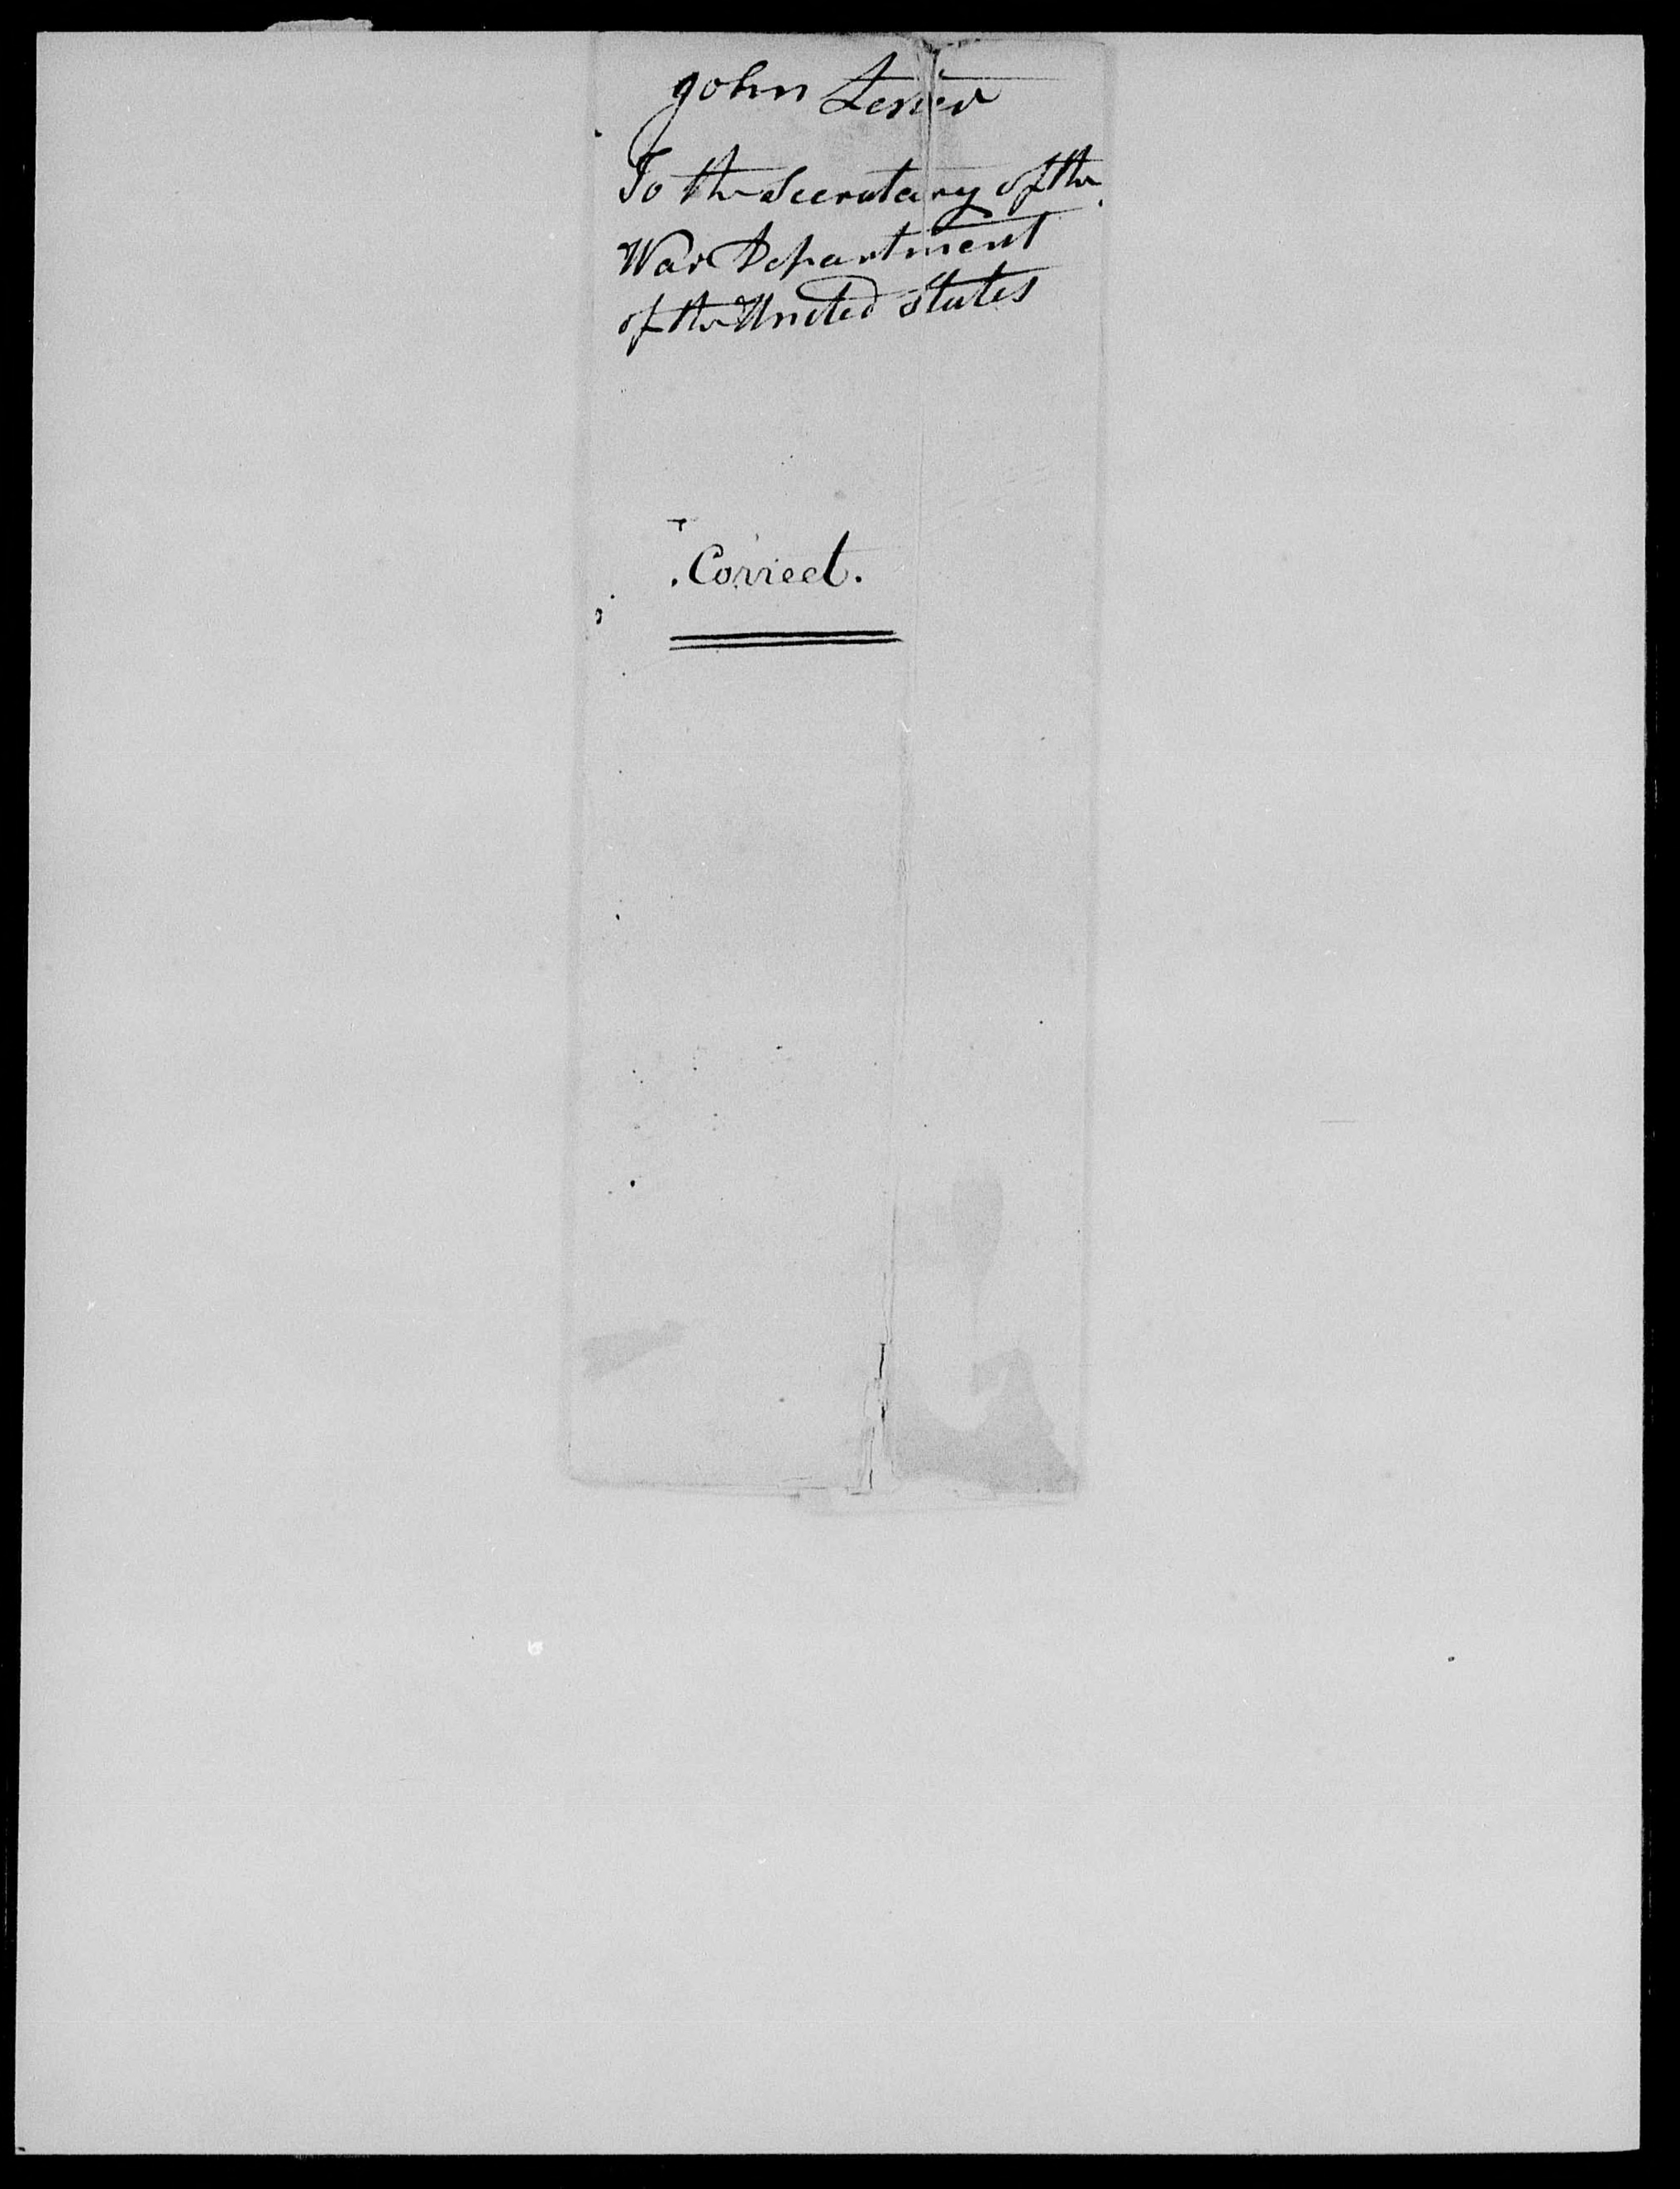John Lester
To the Secretary of the 
War Department 
of the United States


Correct.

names: John Lester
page: 3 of 14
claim: survivor's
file: S. 42844, for John Lester, New York